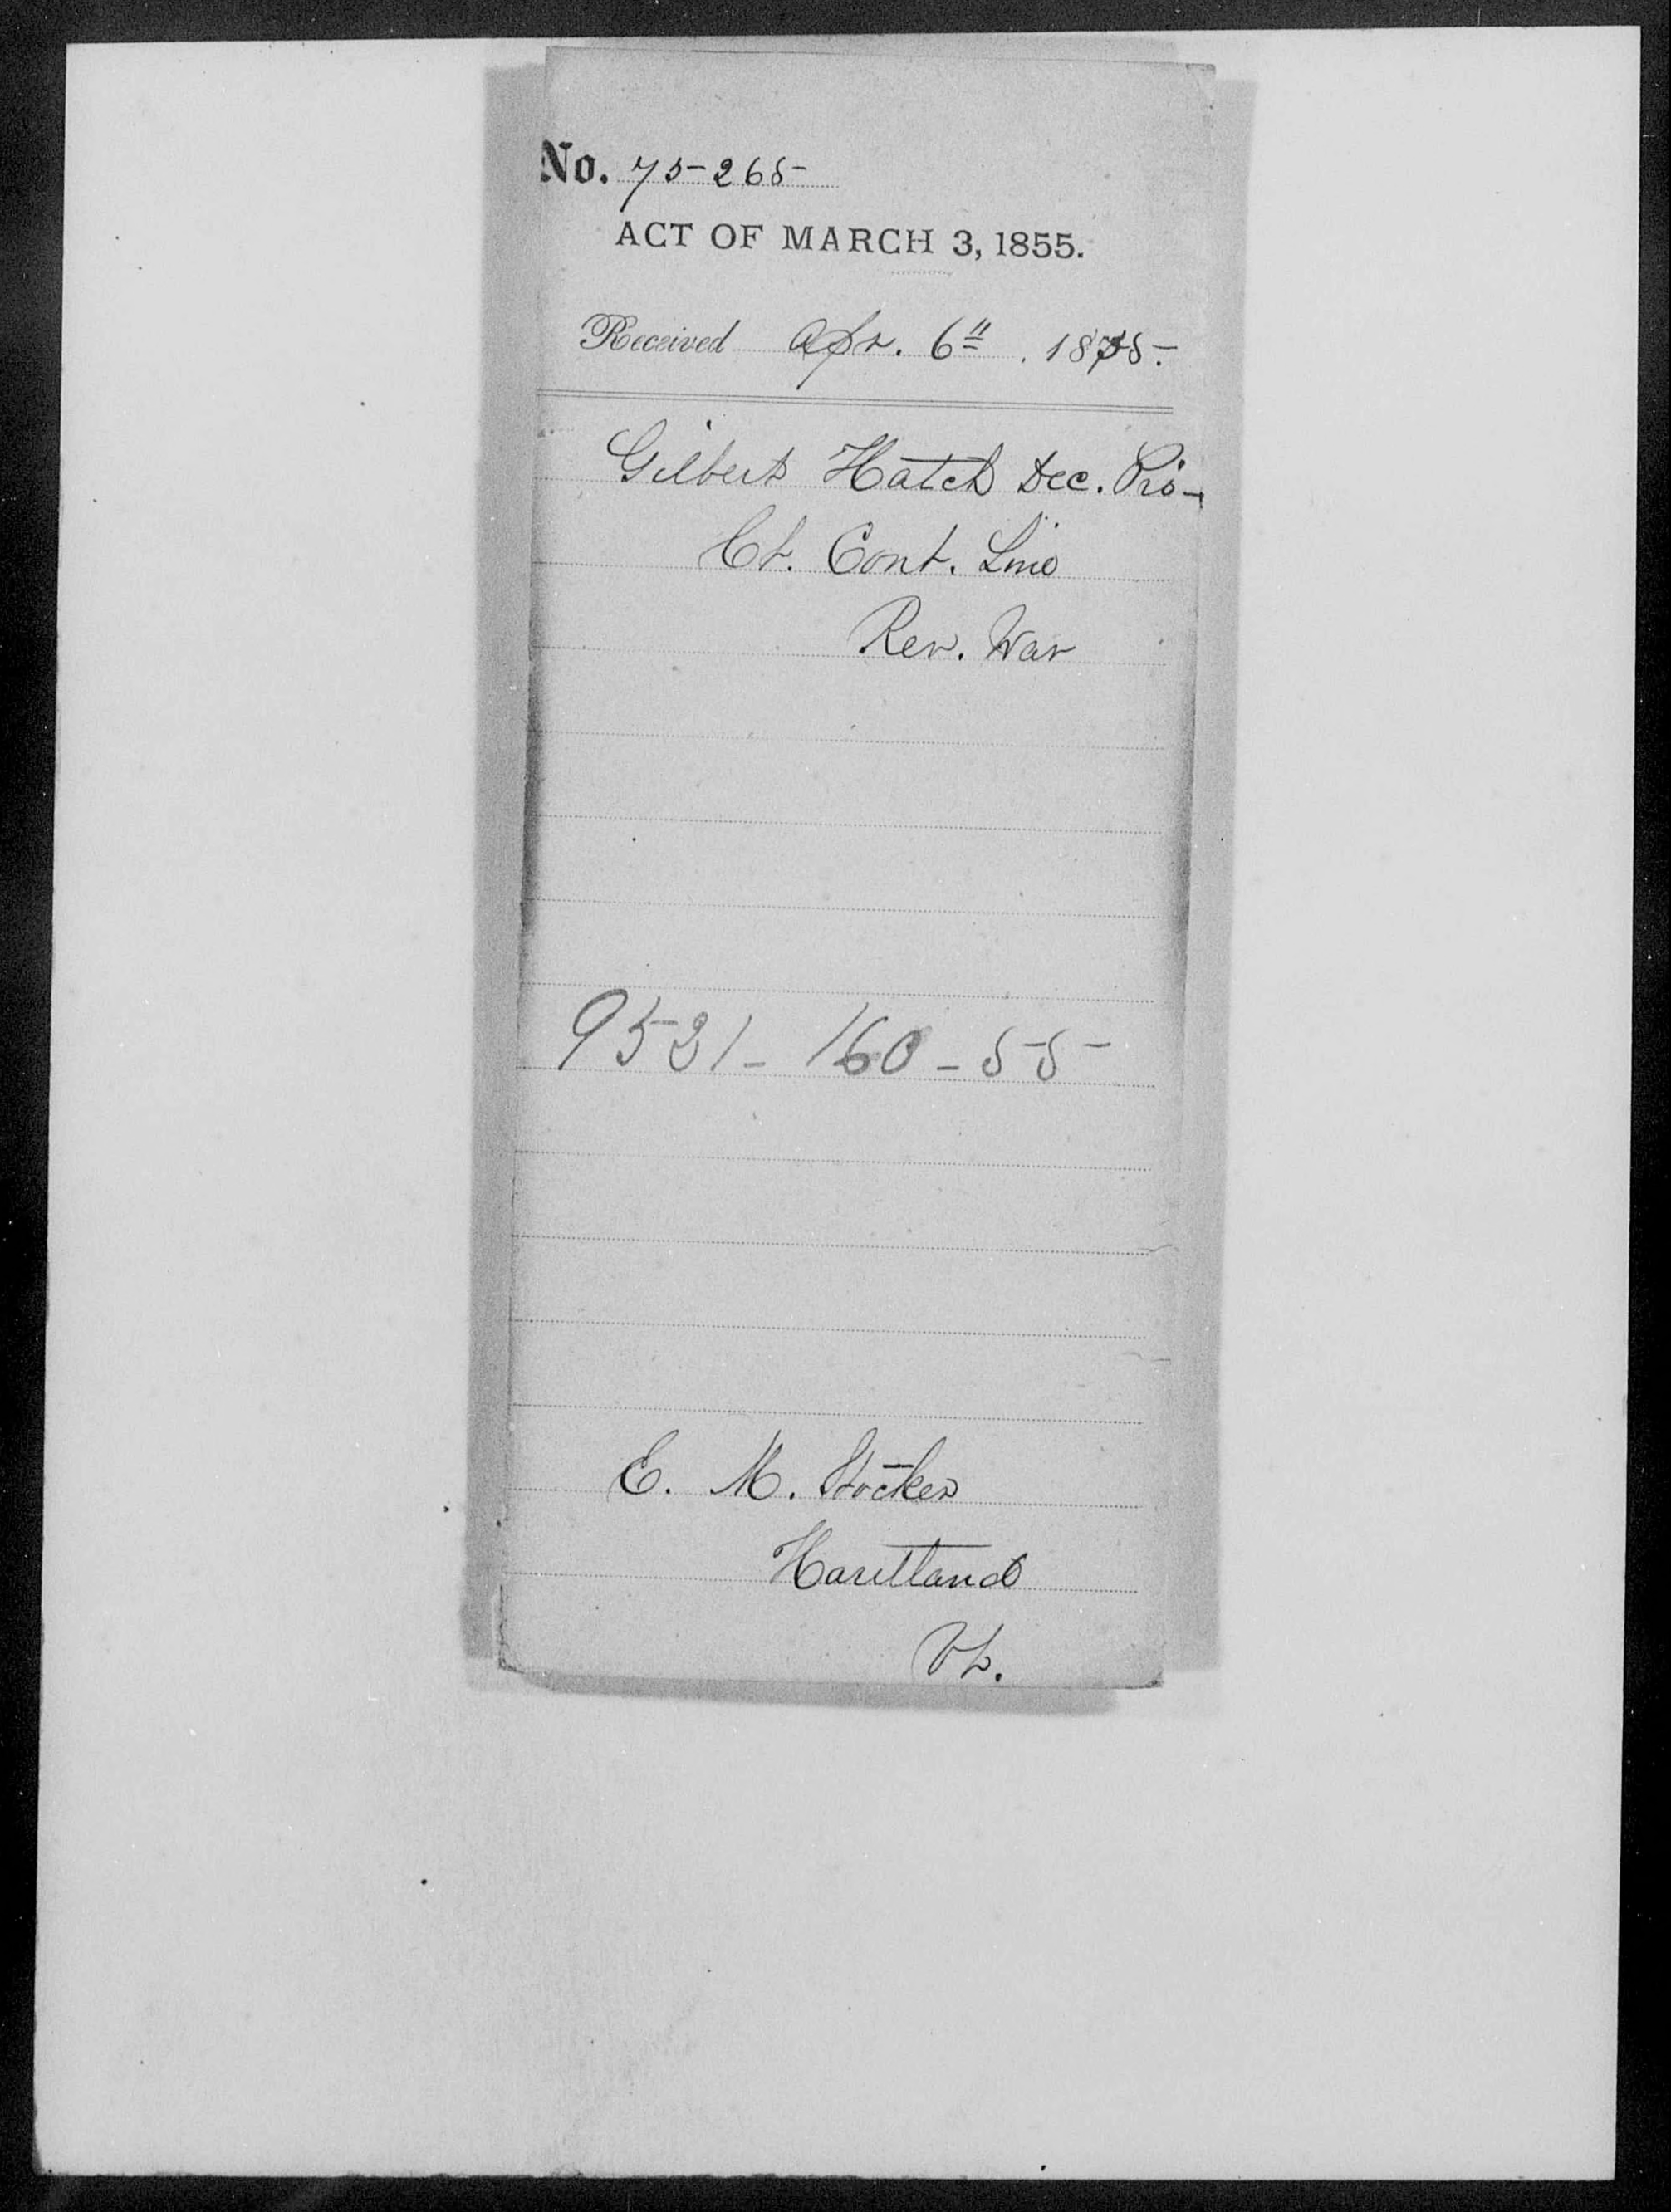No. 70-265
ACT OF MARCH 3, 1855.

Received Apr. 6" 18[illegible]
Gilbert hatch Dec. Pro.
Ct. Cont. Line
Rev. War

9521-160-55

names: E M Stocker, Gilbert Hatch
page: 46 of 47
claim: widow's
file: W. 225, Gilbert Hatch, Conn.